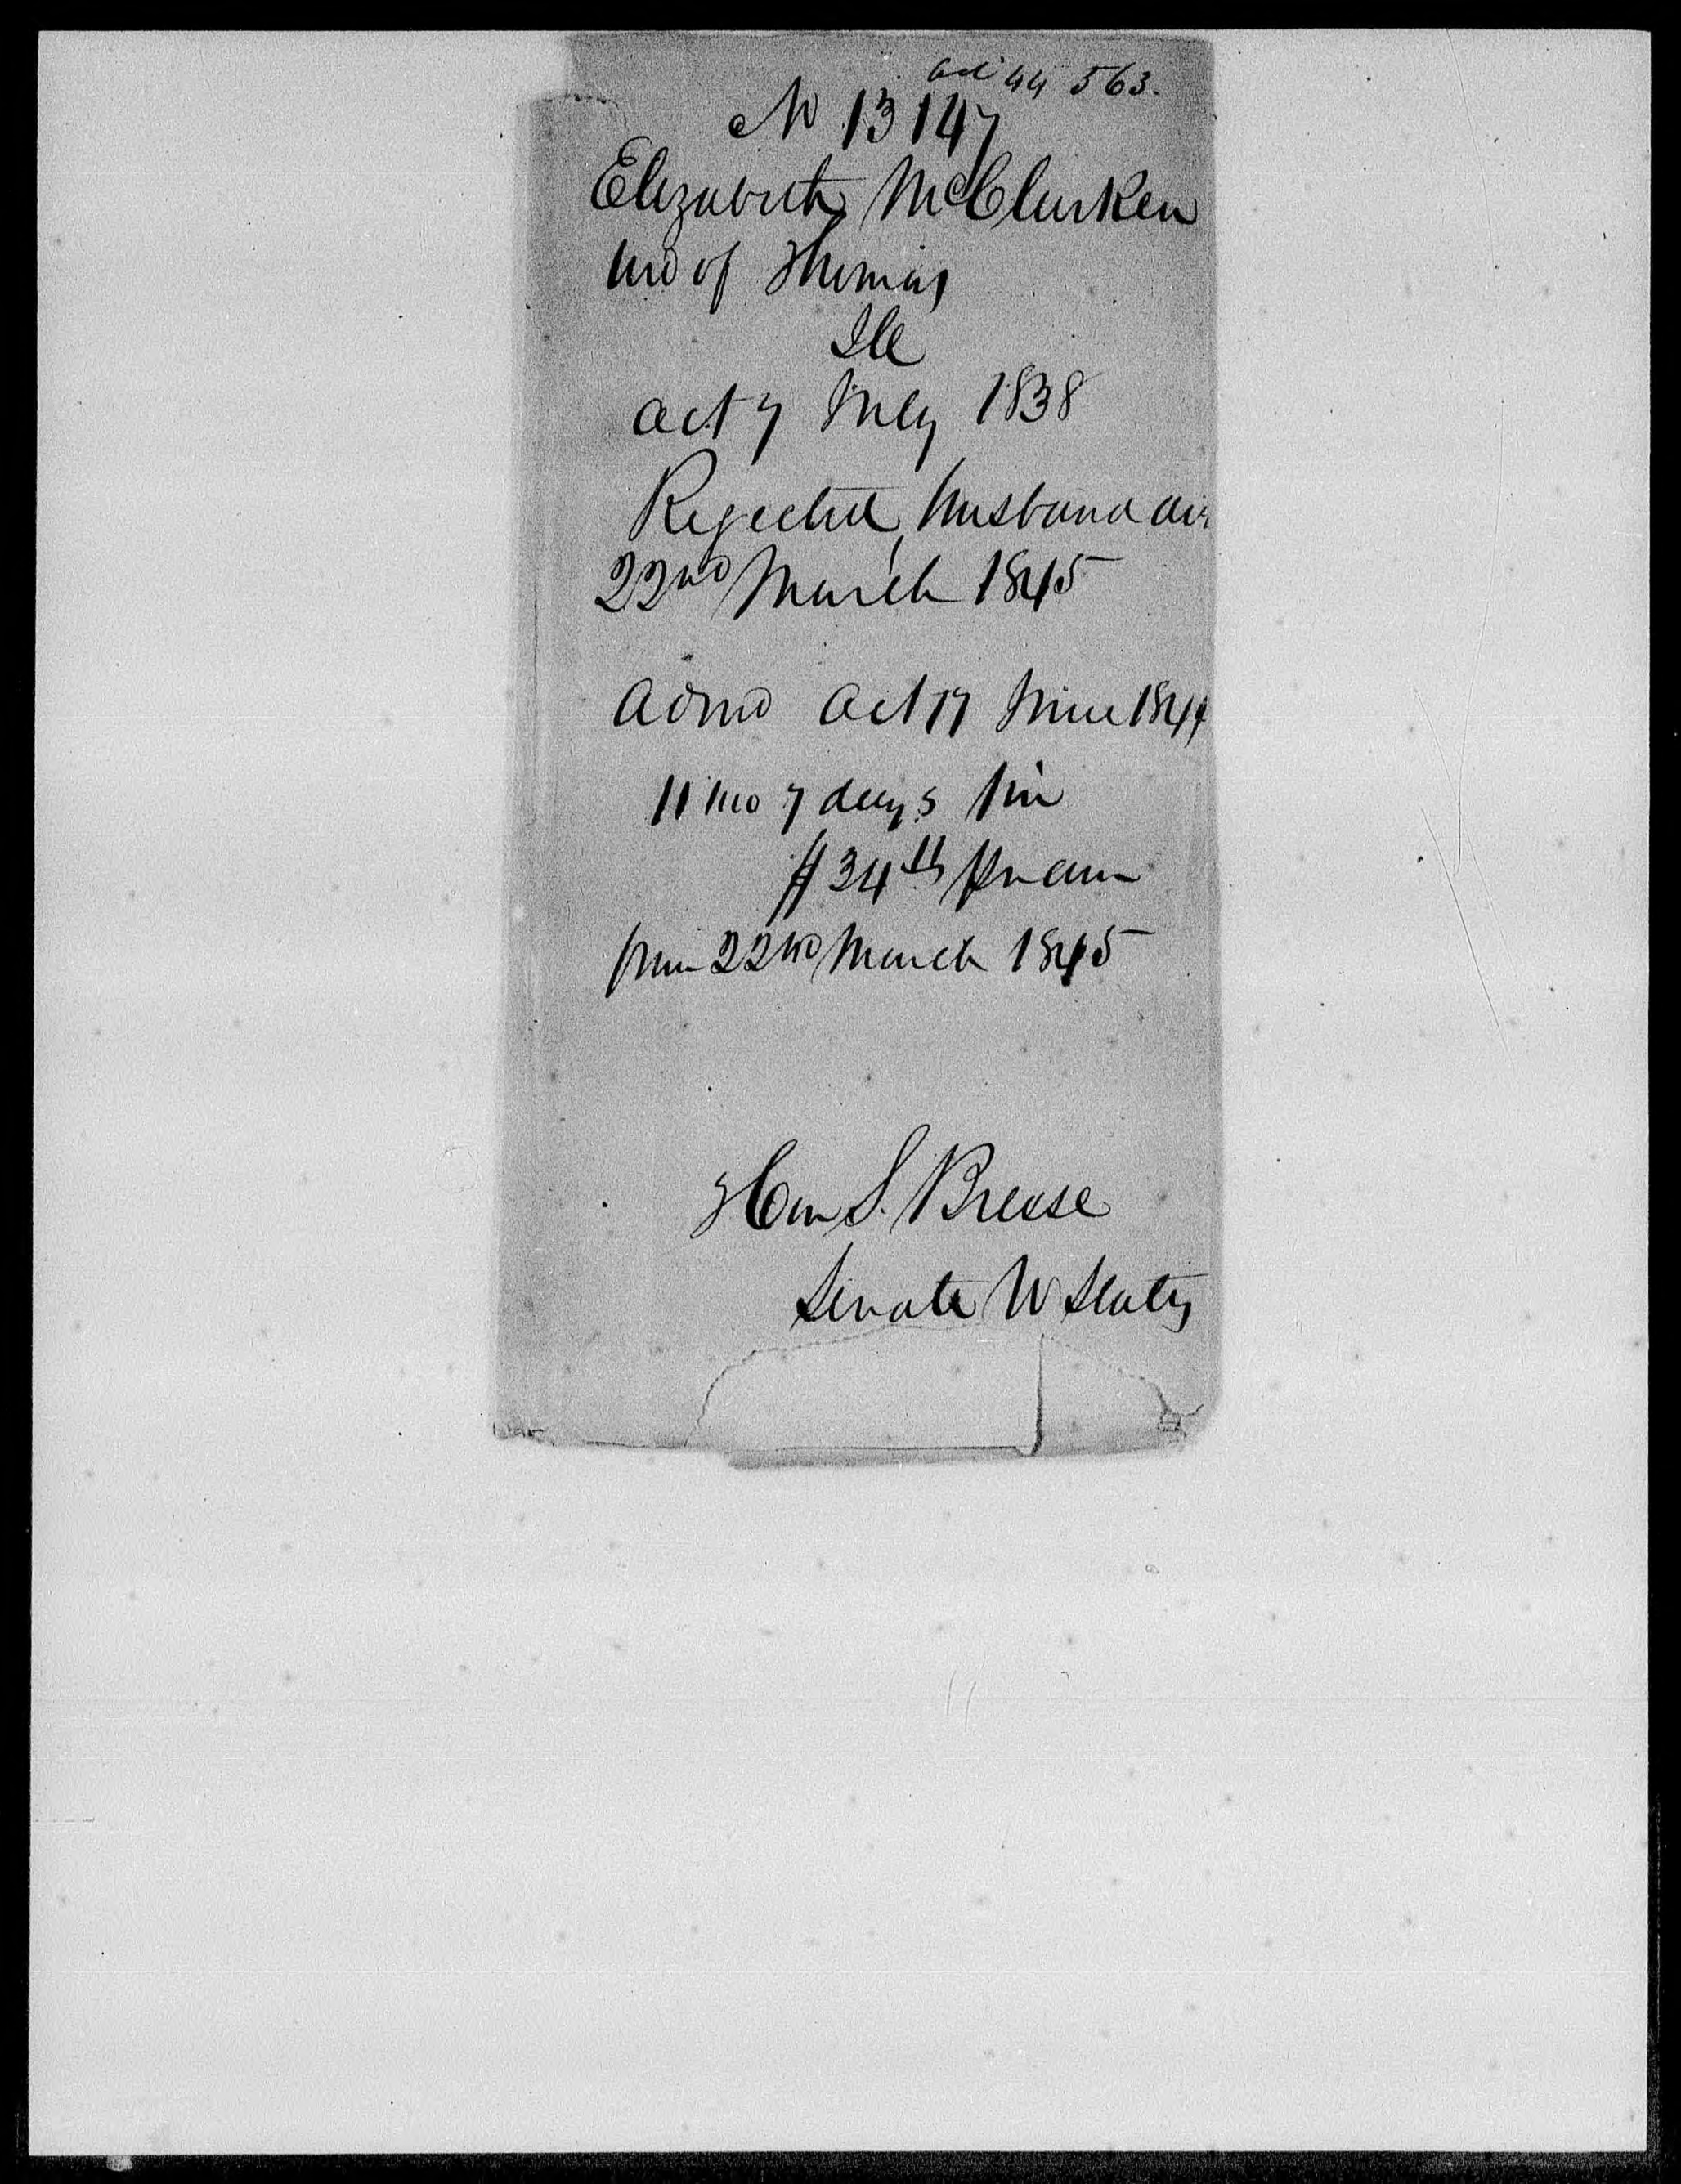Acc 44563
 No 13147 
Elizabeth McClurken
wid of Thomas 
Ill
Act of July 1838

Rejected husband [unintelligible]
22nd March 1845

admo Act 11 June 1844

11 mo 7 days /m
$34.11 prom
Mo 2nd March 1845

Hon. S. Breese
Senate of State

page: 27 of 93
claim: widow's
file: W. 21792, for Thomas Mc Clurken, South Carolina